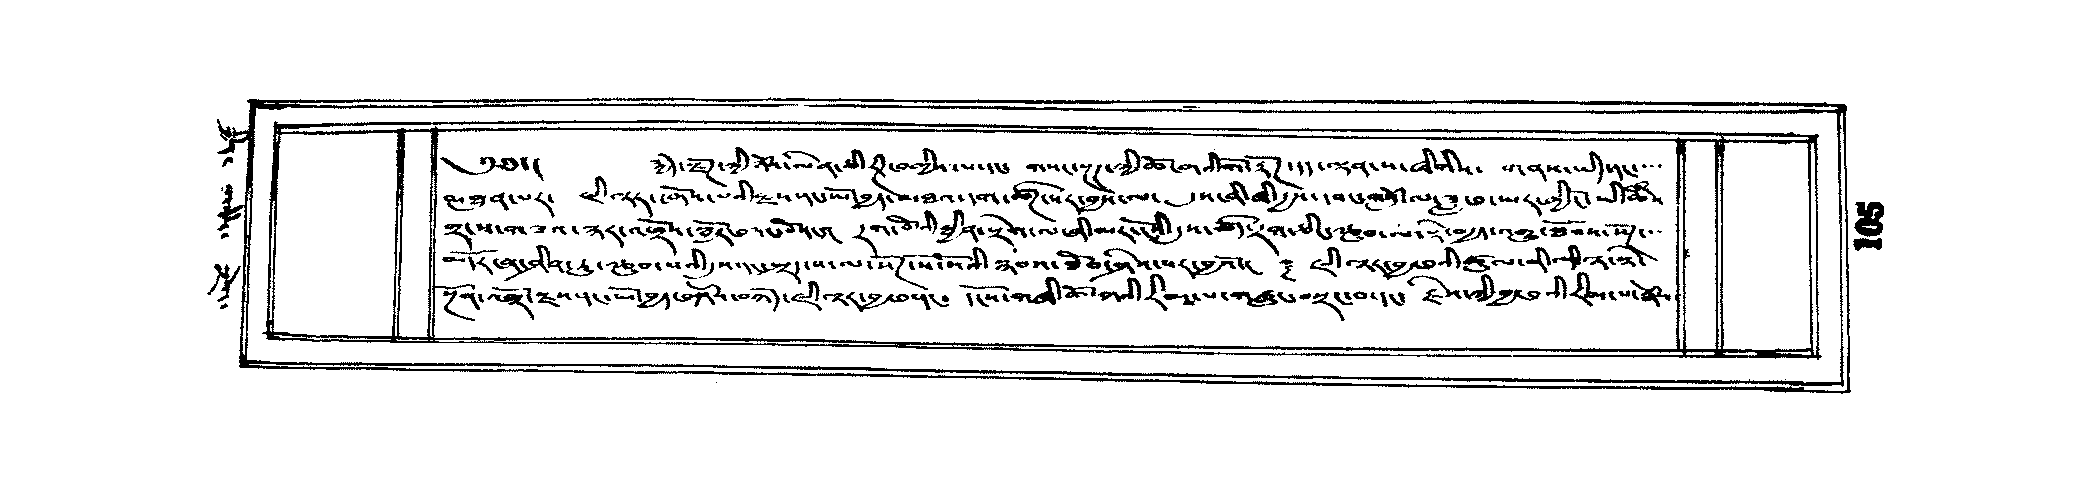བསྐྱེད་རྫོགས་ཀྱི་ཉམས་ལེན་ཅི་རིགས་བགྱིས་པ་དང་། གསང་སྔགས་ཀྱི་ཆོ་གའི་གོ་རྟོགས་དང་ལྡན་པ་ཞིག་གིས་གནས་ཡིད་དག་
མཐུན་པར། ཇི་ལྟར་དགོས་པའི་རྫས་དང་ཡོ་བྱད་མཐའ་དག་ཚོགས་པར་བྱས་ལ། དུས་ནི་ཞི་རྒྱས་དབང་གསུམ་ལ་ཟླ་བ་ཡར་གྱི་ངོ་ཡི་ཚེས་
གྲངས་གཟའ་སྐར་འཕྲོས་སྦྱོར་བཟང་པོ་དང་། དྲག་པོའི་སྦྱིན་སྲེག་ལ་ནི་མར་ངོའི་དུས་ཚད་དྲག་ཅིང་རྩུབ་ལ་སྡེ་བརྒྱད་གྱུ་ཐབས་སོགས་
མདོར་ན་ཤིན་ཏུ་རྩུབ་པའི་དུས་དང་སྤྲད་པ་ལ་སོགས་སོ་སོའི་སྐབས་ཐོབ་ཤེས་པར་བྱའོ། ༈ ཇི་ལྟར་བྱ་བའི་ཚུལ་ནི་འདི་ལྟ་སྟེ། 
སྔོན་འགྲོ་རྫས་དང་ཡོ་བྱད་བཤམས་བཀོད་ཇི་ལྟར་བྱ་བ་དང་། དངོས་གཞི་ཆོ་གའི་རིམ་པ་གཞུང་བསྲང་བ་དང་། རྗེས་ཀྱི་བྱ་བའི་རིམ་པ་རྣམས་